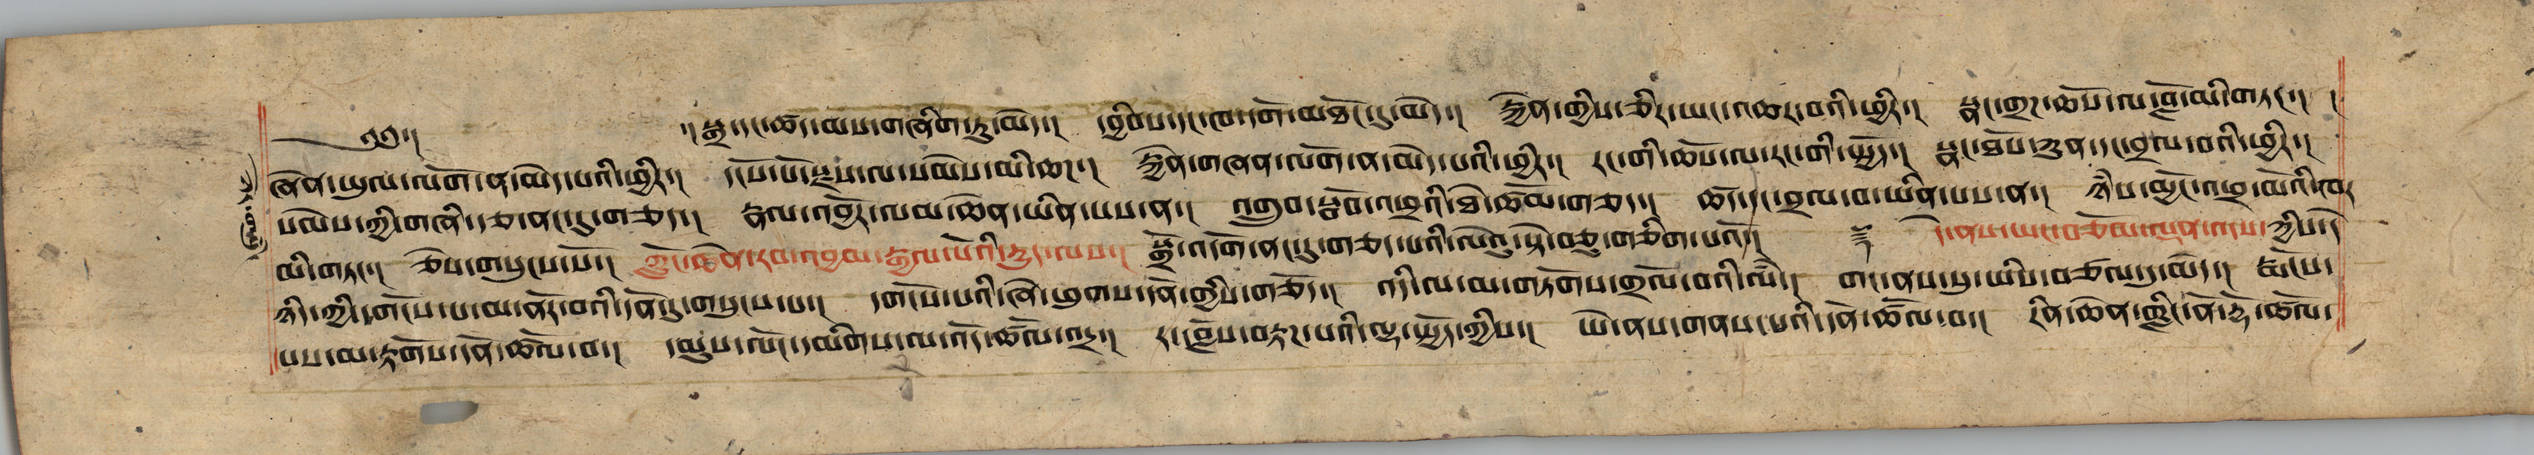༄༅་། ་།སྒྲ་དང་ཚད་མས་གཞིག་ཏུ་མེད་། དབྱིབས་དང་ཁ་དོག་མཐོང་དུ་མེད་། རྐྱེན་གྱིས་ཅིར་ཡང་འཆར་བའི་ཕྱིར་། སྣང་གྲཌ་ཆོས་ལ་བློ་མི་གཏང་།
ཞེན་ཡུལ་ལོག་ན་མེད་པའི་ཕྱིར་། དངོས་པོ་སྫས་ལ་སེམས་མི་ཆཌ་། རྐྱེན་གཞན་ལོག་ན་མེད་པའི་ཕྱིར་། རང་གི་ཆོས་ལ་རང་གི་སྤྱོད་། སྣང་ཐོས་ཀུན་དང་བྲལ་བའི་ཕྱིར་།
སེམས་ཀྱི་གཞི་རྩ་ནང་དུ་གཅད་། རྣལ་འབྱོར་ལམ་ཆེན་ཡིན་པས་ན་། འགྲུབ་སྦོབ་འཕྲའི་ཐེ་ཚོམ་གཅད་། ཚད་དང་བྲལ་བ་ཡིན་པས་ན་། ཉཾས་མྱོང་འཕྲ་མོའི་བར་
མི་གཏང་། ཅེས་གསུངས་སོ་། ཀྱོང་ཆེན་རབ་འབྱམ་རྒྱལ་པོའི་རྒྱུད་ལས་། སྒྲོ་འདོག་ནང་དུ་གཅད་པའི་ལེའུ་བཅུ་གཅིག་པའོ་། ༈ དེ་ནས་ཡང་བཅོམ་ལྡན་འདས་ཀྱིས་དེ
ཉིད་གྱི་དགོངས་པ་མ་ནོར་བའི་དོན་དུ་གསུངས་པ་། དགོངས་པའི་ཞེ་ཕུགས་དོན་གྱིས་གཅོད་། འདི་ལ་མ་གཏོགས་གྲོལ་བའི་ལཾ་། གང་ནས་སུ་ཡིས་བཙལ་དུ་མེད་། རྨོངས་
པས་མ་རྟོགས་དོན་ཚོལ་བ་། དམུས་ལོང་དམིགས་ལ་འོད་ཚོལ་འདྲ་། རང་བློས་བརྟཌ་པའི་ལྡ་སྤྱོད་གྱིས་། ཡེ་ནས་གནས་པའི་དོན་ཚོལ་བ་། རིན་ཆེན་གླིང་ནོ་རྡོ་ཚོལ་